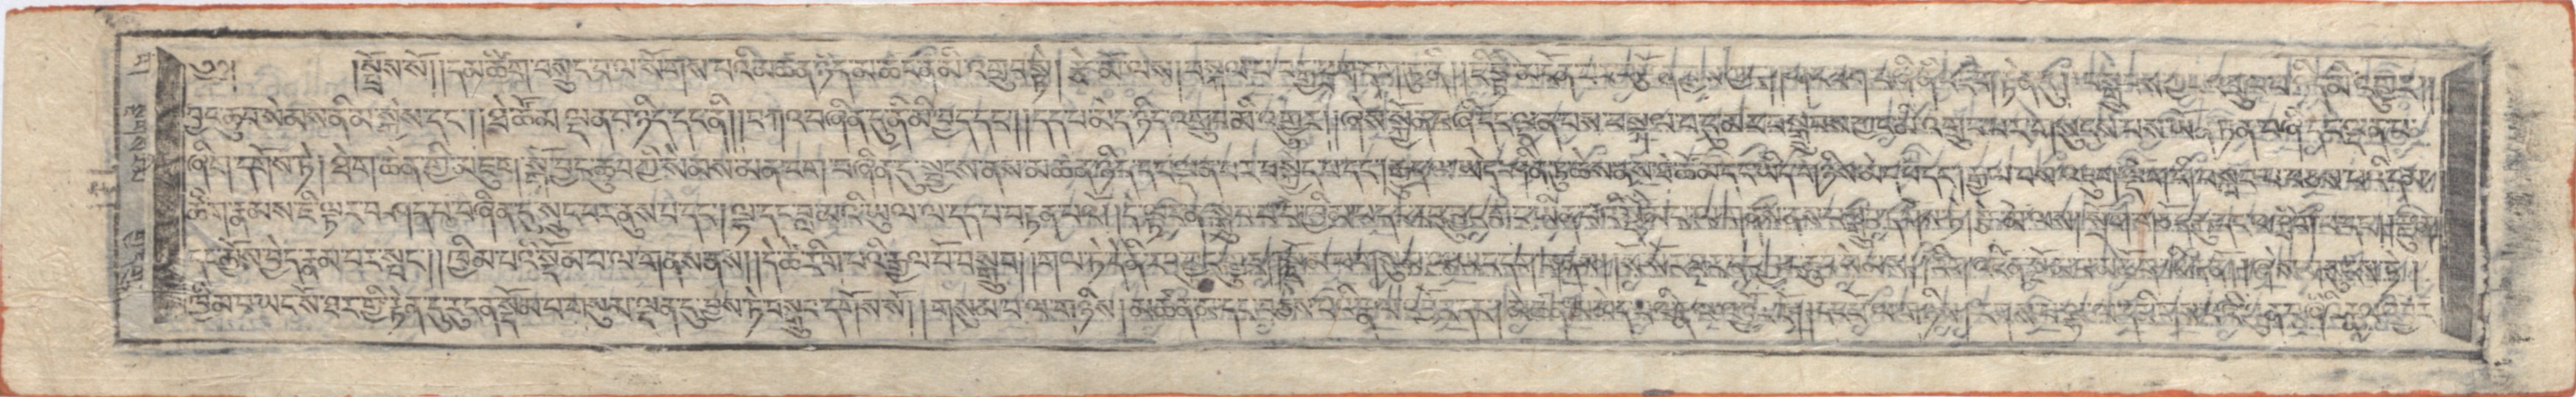༄༅། །སྤྲོས་སོ། །དམ་ཚིག་བསྲུང་བ་ལ་སོགས་པའི་མཚན་ཉིད་མ་ཚང་ན་མི་འགྲུབ་སྟེ། རྩེ་མོ་ལས། བསྐལ་པ་བརྒྱ་ཕྲག་དག་ཏུ་ནི། །ཇི་སྟེ་མངོན་པར་བརྩོན་བྱས་ཀྱང་། །གང་ཟག་བཞི་ནི་འཇིག་རྟེན་དུ། །བསྒྲུབས་ཀྱང་འགྲུབ་པ་ཉིད་མི་འགྱུར། །
བྱང་ཆུབ་སེམས་ནི་མ་སྐྱེས་དང་། །ཐེ་ཚོམ་ལྡན་པ་ཉིད་དང་ནི། །བཀའ་བཞིན་དུ་ནི་མི་བྱད་དང་། །དད་པ་མེད་ཉིད་འགྲུབ་མི་འགྱུར། །ཞེས་སྐྱོན་བཞི་དང་ལྡན་པས་བསྐལ་པ་དུ་མར་བསྒྲུབས་ཀྱང་མི་འགྲུབ་པར་གསུངས་པས་ཡོན་ཏན་བཞི་དང་ལྡན་པ་
ཞིག་དགོས་ཏེ། ཐེག་ཆེན་གྱི་མཇུག་སྒོ་བྱང་ཆུབ་ཀྱི་སེམས་མན་ངག་བཞིན་དུ་སྦྱངས་ནས་མཚན་ཉིད་དང་ལྡན་པར་བསྐྱེད་པ་དང་། རྒྱུད་ལ་ཡིད་ཤིན་ཏུ་ཆེས་ནས་ཐེ་ཚོམ་དང་ཡིད་གཉིས་མེད་པ་དང་། རྒྱལ་བས་འཇུག་ལྡོག་གི་བསླབ་པ་བཅས་པའི་དམ་
ཚིག་རྣམས་ཇི་ལྟར་བཤད་པ་བཞིན་དུ་སྲུང་བར་ནུས་པ་དང་། ལྷ་དང་བླ་མའི་ཡུལ་ལ་དད་པ་བརྟན་པའོ། །དེ་ལྟར་ན་སྒྲུབ་པ་པོ་ཁྱིམ་པ་དང་རབ་བྱུང་གང་ཡིན་པའི་སྡོམ་པ་ལ་གནས་ནས་བསྒྲུབ་དགོས་ཏེ། རྩེ་མོ་ལས། སྲོག་གཅོད་རྐུ་དང་འཁྲིག་པ་དང་། །རྫུན་
དང་མྱོས་བྱེད་རྣམ་པར་སྤང་། །ཁྱིམ་པའི་སྡོམ་པ་ལ་གནས་ནས། །དེ་ཚེ་རིག་པའི་རྒྱལ་པོ་བསྒྲུབ། །གལ་ཏེ་དེ་ནི་རབ་བྱུང་གྱུར། །སྡོམ་པ་གསུམ་ལ་ཡང་དག་གནས། །སོ་སོར་ཐར་དང་བྱང་ཆུབ་སེམས། །རིག་འཛིན་སྡོམ་པ་མཆོག་ཡིན་ནོ། །ཞེས་གསུངས་ཏེ།
ཁྱིམ་པ་ཡང་སོ་ཐར་གྱི་རྟེན་དུ་རུང་ན་སྡོམ་པ་གསུམ་ལྡན་དུ་བྱས་ཏེ་བསྒྲུབ་དགོས་སོ། །གསུམ་པ་ལ་གཉིས། མཚན་མ་དང་བཅས་པའི་རྣལ་འབྱོར་དང་། མཚན་མ་མེད་པའི་རྣལ་འབྱོར་རོ། །དང་པོ་ལ་གཉིས། རགས་པ་ལྷ་ལ་དམིགས་པའི་ཐུན་བཞིའི་རྣལ་འབྱོར་